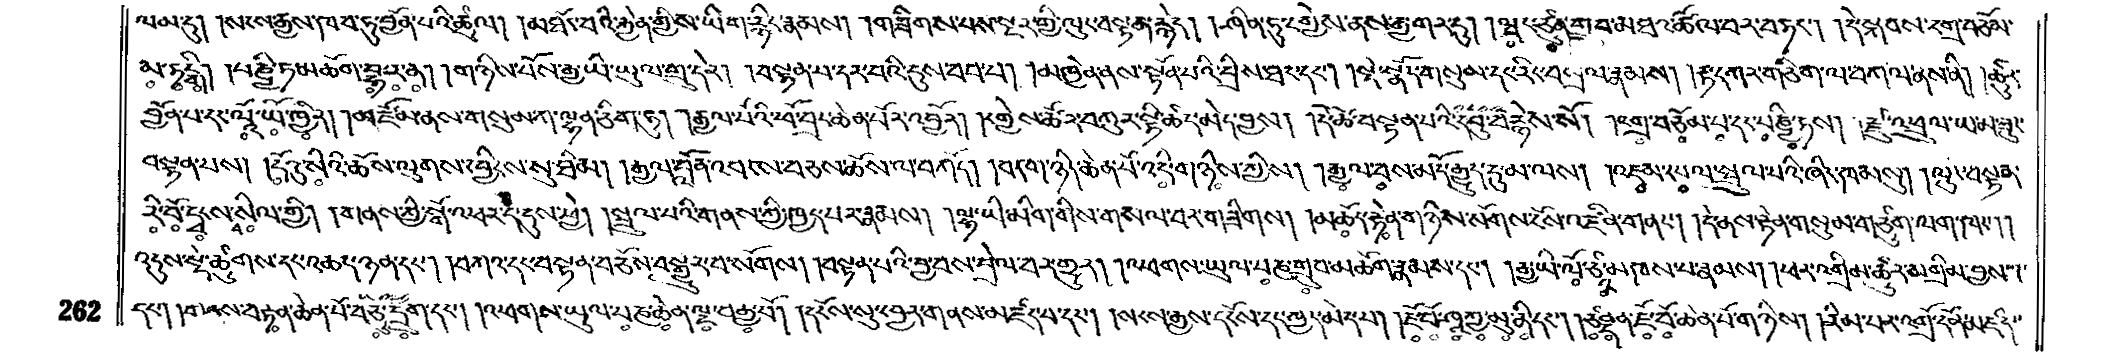ལམ་དུ། །སངས་རྒྱས་ཁབ་ཏུ་བྱོན་པའི་ཚུལ། །མཐོང་བའི་རྐྱེན་གྱིས་ཡིག་རྙིང་རྣམས། །གཟིགས་པས་སྔར་གྱི་ལུང་བསྟན་རྙེད། །ཤིན་ཏུ་དགྱེས་ནས་རྒྱ་གར་དུ། །ཝང་ཙུན་གྲུབ་མཐའ་ཚོལ་བར་བཏང་། །དེ་སྐབས་དགྲ་བཅོམ་
མ་ཏདགི། །པཎྜྱི་ཏ་མཆོག་བྷ་ར་ན། །གཉིས་པོས་རྒྱ་ཡི་ཡུལ་གྲུ་དེར། །བསྟན་པ་དར་བའི་དུས་བབ་པ། །མཁྱེན་ནས་སྟོན་པའི་བྲིས་ཐང་དང་། །སྡེ་སྣོད་གསུམ་དང་རིང་བསྲལ་རྣམས། །རྟ་དཀར་གཅིག་ལ་བཀལ་ནས་ནི། །ཚུར་
བྱོན་པ་དང་ལO་ཡོ་ཁྱིར། །མཛོམ་ནས་གསུམ་ཀ་ལྷན་ཅིག་ཏུ། །རྒྱལ་པོའི་ཕོ་བྲང་ཆེན་པོར་འབྱོར། །དགྱེས་ཚོར་བཀུར་སྟི་ཚད་མེད་བྱས། །དེ་ཚེ་བསྟན་པའི་དབུ་བརྙེས་སོ། །འགྲ་བཅོམ་པ་དང་པཎྱི་ཏས། །རྫུ་འཕྲུལ་ཡ་མ་ཟུང་
བསྟན་པས། །དོའུ་སིའི་ཆོས་ལུགས་དབྱིངས་སུ་ཐིམ། །རྒྱལ་བློན་འབངས་བཅས་ཆོས་ལ་བཀོད། །བདག་ཉིད་ཆེན་པོ་འདི་གཉིས་ཀྱིས། །རྒྱལ་བས་མདོ་རྒྱུད་དུ་མ་ལས། །འཇམ་དཔལ་སྤྲུལ་པའི་ཞིང་ཁམས་སུ། །ལུང་བསྟན་
རི་བོ་དྭངས་སིལ་གྱི། །གནས་ཀྱི་སྒོ་འཕར་དེ་དུས་ཕྱེ། །སྤྲུལ་པའི་གནས་ཀྱི་ཁྱད་པར་རྣམས། །ལྷ་ཡི་མིག་གིས་གསལ་བར་གཟིགས། །མཆོད་རྟེན་གཉིས་སོགས་ངོས་འཛིན་གནང་། །དེ་ནས་རྟེན་གསུམ་གཙུག་ལག་ཁང།།
འདུས་སྡེ་ཚུགས་དང་འཆད་ཉན་དང་། །བཀའ་དང་བསྟན་བཅོས་བསྒྱུར་བ་སོགས། །བསྟན་པའི་བྱ་བས་བྲེལ་བར་གྱུར། །འཕགས་ཡུལ་པཎ་གྲུབ་མཆོག་རྣམས་དང་། །རྒྱ་ཡི་ལོ་ཙཱ་མཁས་པ་རྣམས། །ཕར་འགྲིམ་ཚུར་མགྲིམ་བྱས་
དང་། །གནས?་བརྟན་ཆེན་པོ་བཅུ་དྲུག་དང་། །འཕགས་ཡུལ་པཎ་ཆེན་ལྔ་བརྒྱ་པོ། །དངོས་སུ་དབྱར་གནས་མཛད་པ་དང་། །སངས་རྒྱས་དངོས་དང་ཁྱད་མེད་པ། །ཇོ་བོ་ཤཱཀྱ་མུ་ནི་དང་། །ཙནྡན་ཇོ་བོ་ཆེན་པོ་གཉིས། །རིམ་པར་འགྲོ་དོན་མཛད་